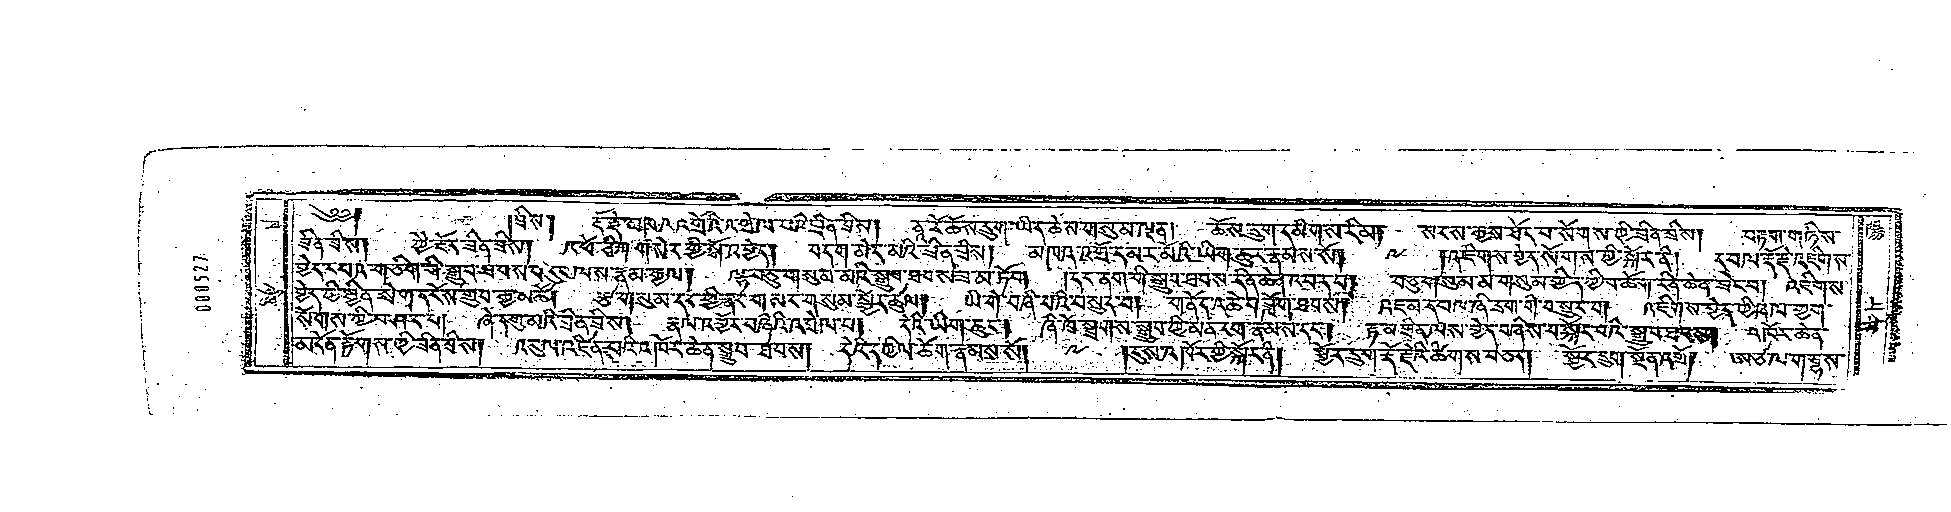༄༅། །བྲིས། རྡོ་རྗེ་མཁའ་འགྲོའི་འགྲེལ་པའི་བྲིན་བྲིས། ནཱ་རོ་ཆོས་དྲུག་ཡིད་ཆེས་གསུམ་ལྡན། ཆོས་དྲུག་དམིགས་རིམ། སངས་རྒྱས་ཐོད་པ་སོགས་ཀྱི་ཟིན་བྲིས། བརྟག་གཉིས་
ཟིན་བྲིས། ཀྱཻ་རྡོར་ཟིན་བྲིས། འཕོ་ཊི་ཀ་གསེར་གྱི་སྒོ་འབྱེད། བདག་མེད་མའི་ཟིན་བྲིས། མཁའ་འགྲོ་དམར་མོའི་ཡིག་ཆུང་རྣམས་སོ། ༧་།འཇིགས་བྱེད་སོགས་ཀྱི་སྐོར་ནི། དཔལ་རྡོ་རྗེ་འཇིགས་
བྱེད་དཔའ་གཅིག་གི་སྒྲུབ་ཐབས་བདུང་ལས་རྣམ་རྒྱལ། ལྷ་བཅུ་གསུམ་མའི་སྒྲུབ་ཐབས་ཟ་མ་ཏོག །དང་ནག་གི་སྒྲུབ་ཐབས་རིན་ཆེན་འབར་བ། བཅུ་གསུམ་མ་གསུམ་གྱི་དཀྱིལ་ཆོག་རིན་ཆེན་ཟེར་བ། འཇིགས་
བྱེད་ཀྱི་སྦྱིན་སྲེག་དངོས་གྲུབ་རྒྱ་མཚོ། རྩ་གསུམ་དང་ཕྱི་ནང་གསང་གསུམ་སྦྱོར་ཚུལ། ཡི་གེ་བཞི་པའི་བསྲུང་བ། གནོད་འཆེ་བཟློག་ཐབས། འཇམ་དཔལ་ཞི་དྲག་གི་བསྲུང་བ། འཇིགས་བྱེད་ཀྱི་ཞལ་ཕྱག་
སོགས་ཀྱི་བཤད་པ། ཞེ་དགུ་མའི་ཟིན་བྲིས། རྣལ་འབྱོར་བཞིའི་འགྲེལ་པ། དེའི་ཡིག་ཆུང་། ཞི་ཁྲོ་སྦྲགས་སྒྲུབ་ཀྱི་མན་ངག་རྣམས་དང་། རྟ་མགྲིན་ལས་བྱེད་བཞིས་བ་སྐོར་བའི་སྒྲུབ་ཐབས། འཁོར་ཆེན་
མངོན་རྟོགས་ཀྱི་ཟིན་བྲིས། འདུལ་འཛིན་པའི་འཁོར་ཆེན་སྒྲུབ་ཐབས། དེའི་དཀྱིལ་ཆོག་རྣམས་སོ། ༧་།དུས་འཁོར་གྱི་སྐོར་ནི། སྦྱོར་དྲུག་རྡོ་རྗེའི་ཚིགས་བཅད། སྦྱོར་དྲུག་སྔོན་འགྲོ། ཨ་ཙ་ལ་གརྦྷས་